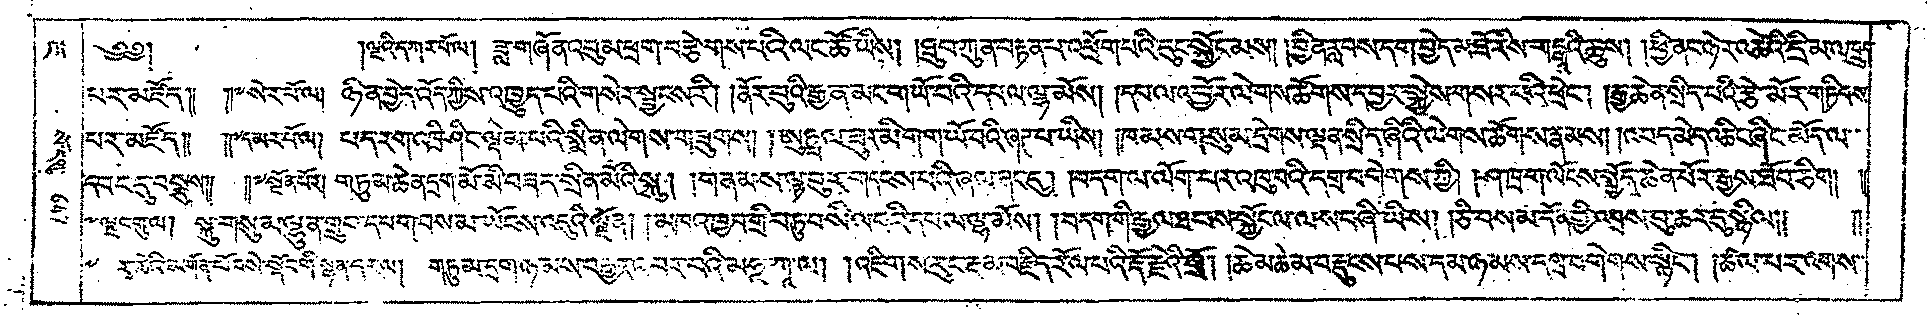༄༅། །ལྔའི་དཀར་པོ་ལ། ཟླ་གཞོན་འབུམ་ཕྲག་བརྩེགས་པའི་ལང་ཚོ་ཡིས། །ཐུབ་ཀུན་བརྟན་པ་འཕྲོག་པའི་དུང་སྐྱོང་མས། །བྱིན་རླབས་དག་བྱེད་མཐོ་རིས་གངྒཱའི་ཆུས། །ཕྱི་ནང་ཉེར་འཚེའི་དྲི་མ་འཁྲུད་
པར་མཛོད།། །། ༧་སེར་པོ་ལ།  ཉིན་བྱེད་འོད་ཀྱིས་འཁྱུད་པའི་གསེར་སྦྱངས་རི། །ནོར་བུའི་རྒྱན་མང་གཡོ་བའི་དཔལ་ལྷ་མོས། །དཔལ་འབྱོར་ལེགས་ཚོགས་དབྱར་སྐྱེས་གསར་པའི་ཕྲེང་། །རྒྱ་ཆེན་སྲིད་པའི་རྩེ་མོར་གཏིབས་
པར་མཛོད།། །། ༧་དམར་པོ་ལ།  པད་རག་འཁྲི་ཤིང་ལྡེམ་པའི་སྨིན་ལེགས་གཟུགས། །ཨུཏྤལ་ཟུར་མིག་གཡོ་བའི་ཞཊ་པ་ཡིས། །ཁམས་གསུམ་དྲེགས་ལྡན་སྲིད་ཞིའི་ལེགས་ཚོགས་རྣམས། །འབད་མེད་འཆིང་ཞིང་མོད་ལ་
དབང་དུ་བསྡུས།། །། ༧་སྔོན་པོར།  གཏུམ་ཆེན་དྲག་མོ་མི་བཟད་སྲིན་མོའི་སྐུ། །གནམ་ས་ལྟ་བུར་གདངས་པའི་ཞལ་ནང་དུ། །བདག་ལ་ལོག་པར་འཁུ་བའི་དགྲ་བགེགས་ཀྱི། །ཤ་ཁྲག་ལོངས་སྤྱོད་ཆེན་པོར་རྒྱས་ཐོབ་ཅིག ། །།
༧་ལྗང་གུ་ལ།  སྐུ་གསུམ་ལྷུན་གྲུབ་དཔག་བསམ་ཡོངས་འདུའི་ལྗོན། །མཁའ་ཁྱབ་གྲིབ་ཏུ་བསིལ་བའི་དཔལ་ལྷ་མོས། །བདག་གི་རྒྱལ་ཐབས་སྐྱོང་ལ་ལས་བཞི་ཡིས། །ཅི་བསམ་དོན་གྱི་འབྲས་བུ་ཆར་དུ་སྙིལ།། །།
༧་རྭ་ཆེའི་མགོན་པོ་བསེ་སྡོང་གི་སྙན་དར་ལ།  གཏུམ་དྲག་ཉམས་བརྒྱར་འབར་བའི་མཧཱ་ཀཱ་ལ། །འཇིགས་རུང་རྔམ་བརྗིད་རོལ་པའི་རྡོ་རྗེའི་གྲོ། །ཆེམ་ཆེམ་བརྡུངས་པས་དམ་ཉམས་དགྲ་བགེགས་སྙིང་། །ཚལ་པར་འགས་